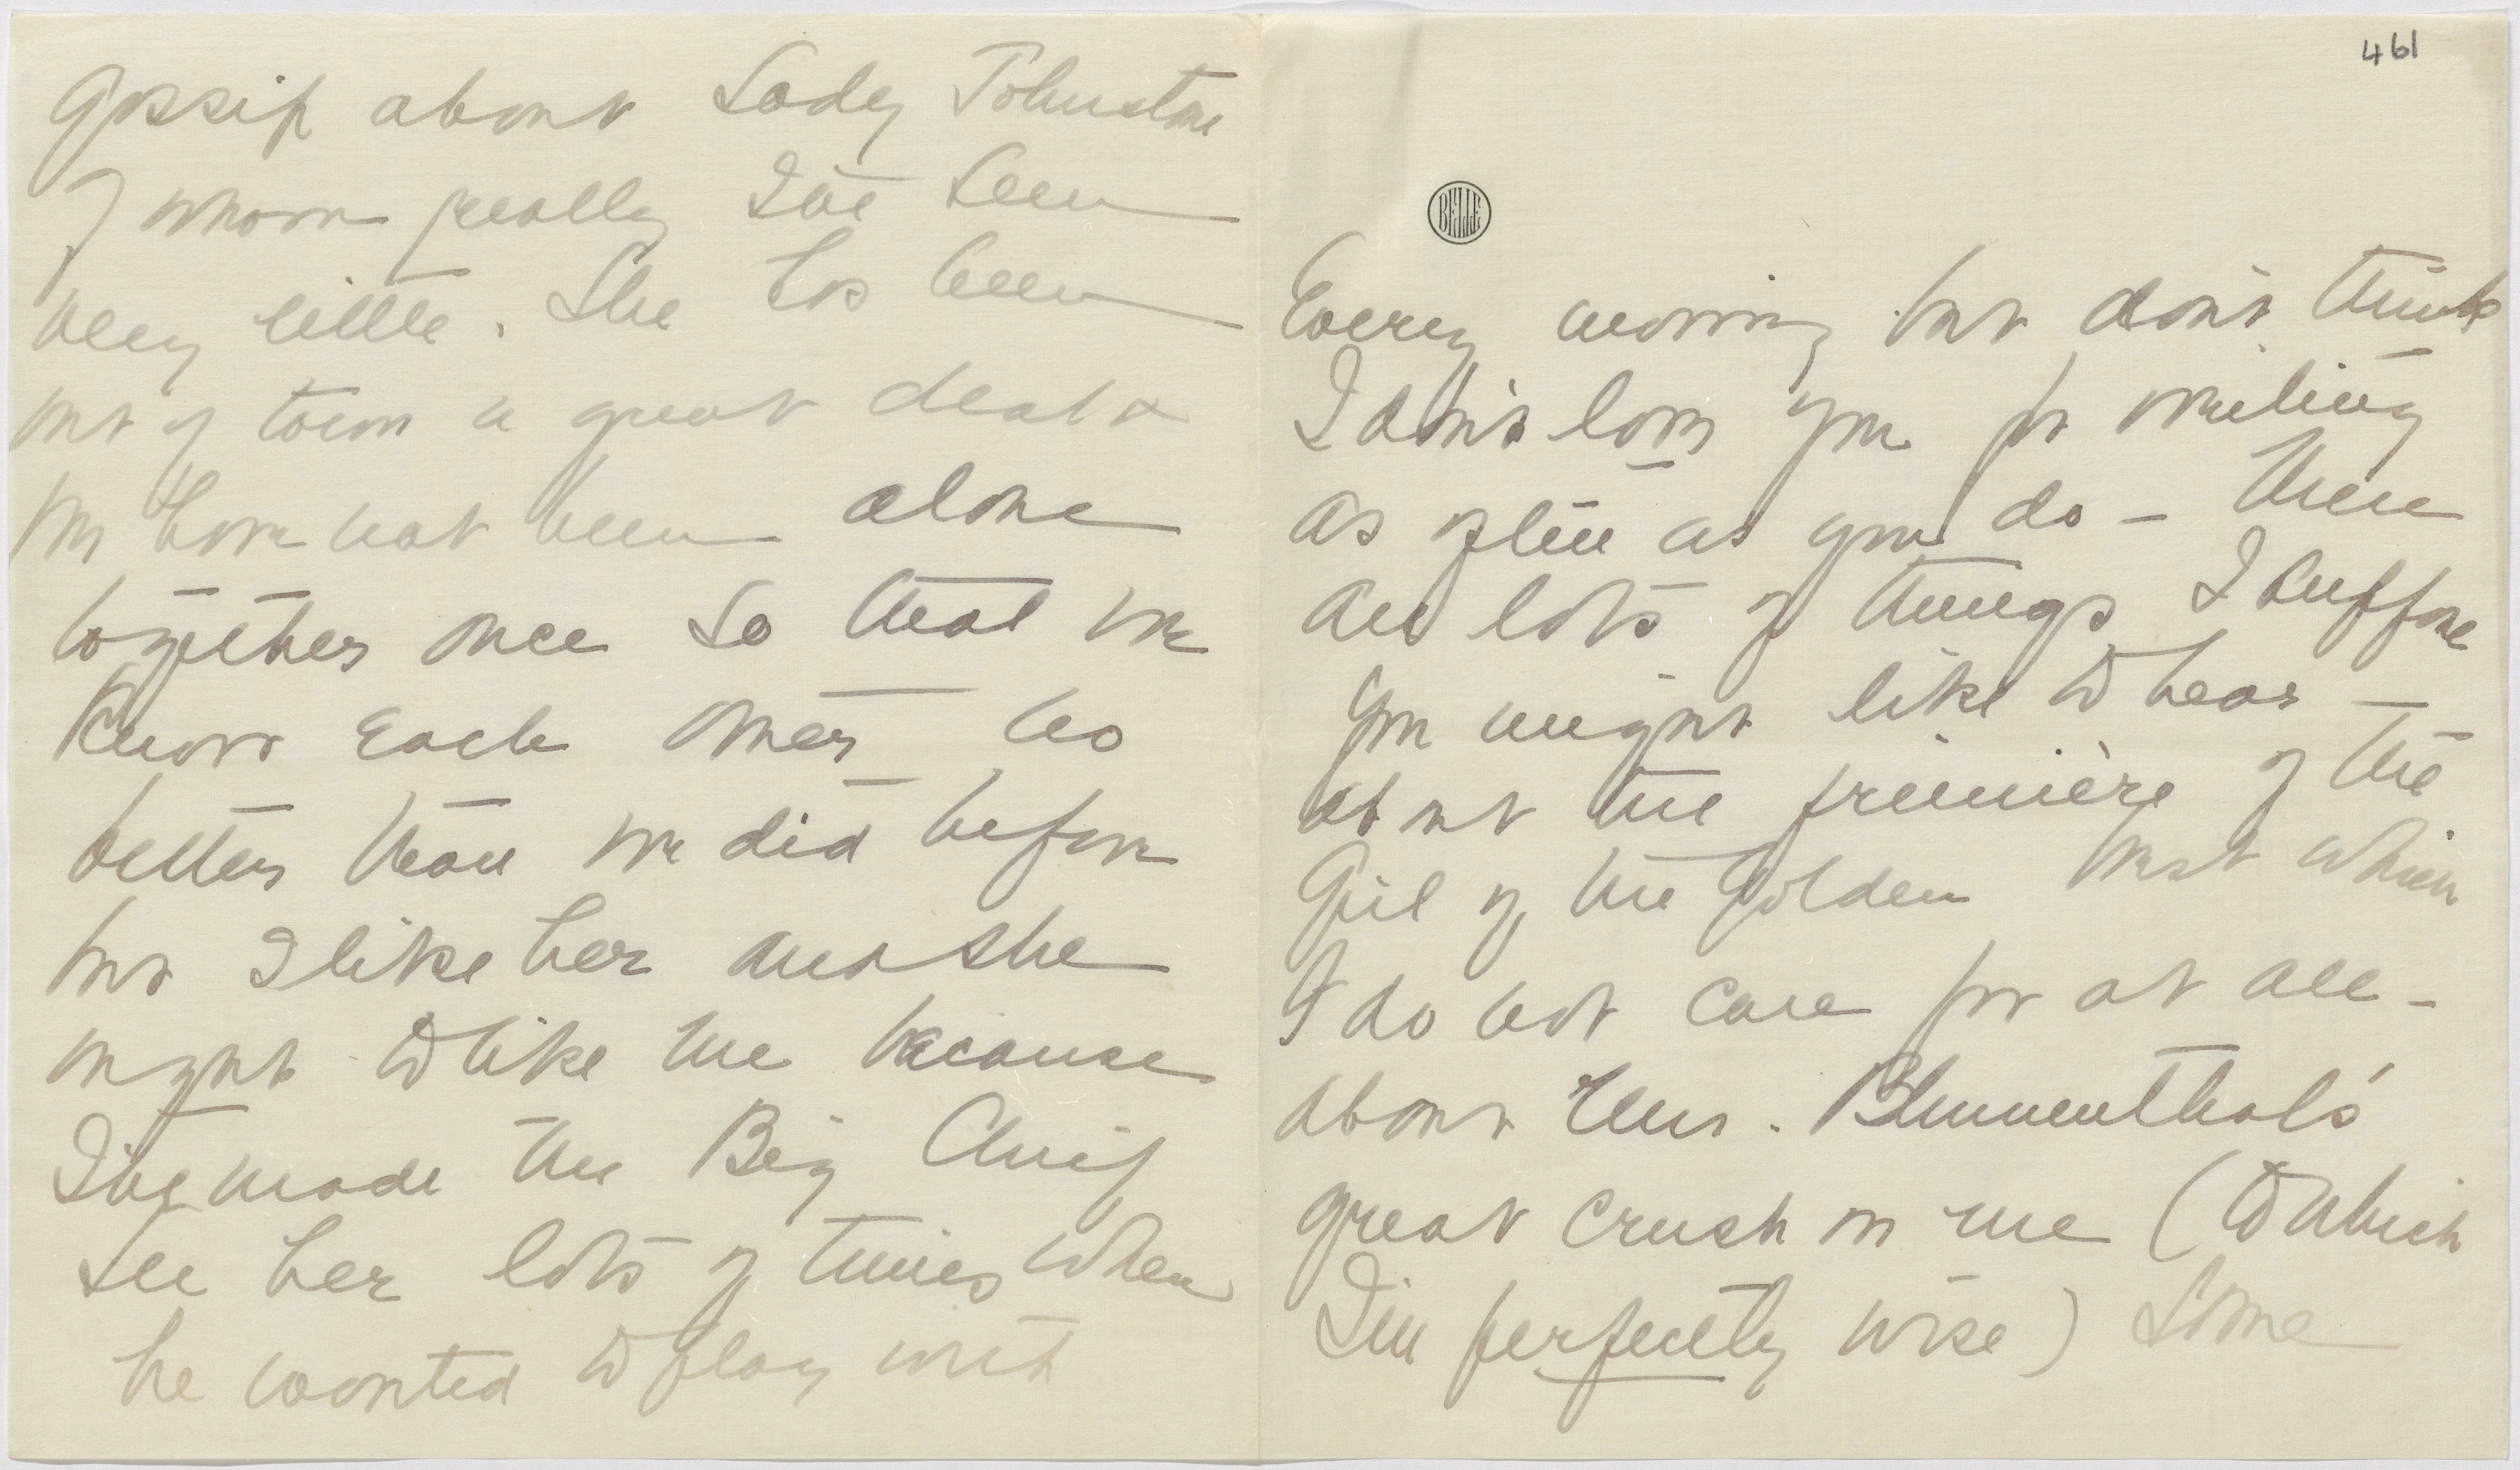every morning but don’t think I don’t love you for writing as often as you do – There are lots of things I suppose you might like to hear – about the première of the Girl of the Golden West which I do not care for at all – about Mrs. Blumenthal’s great crush on me (to which I’m perfectly wise) some
gossip about Lady Johnstone of whom really I’ve seen very little. She has been out of town a great deal & we have not been alone together once so that we know each other no better than we did before but I like her and she ought to like me because I’ve made the Big Chief see her lots of times when he wanted to play with